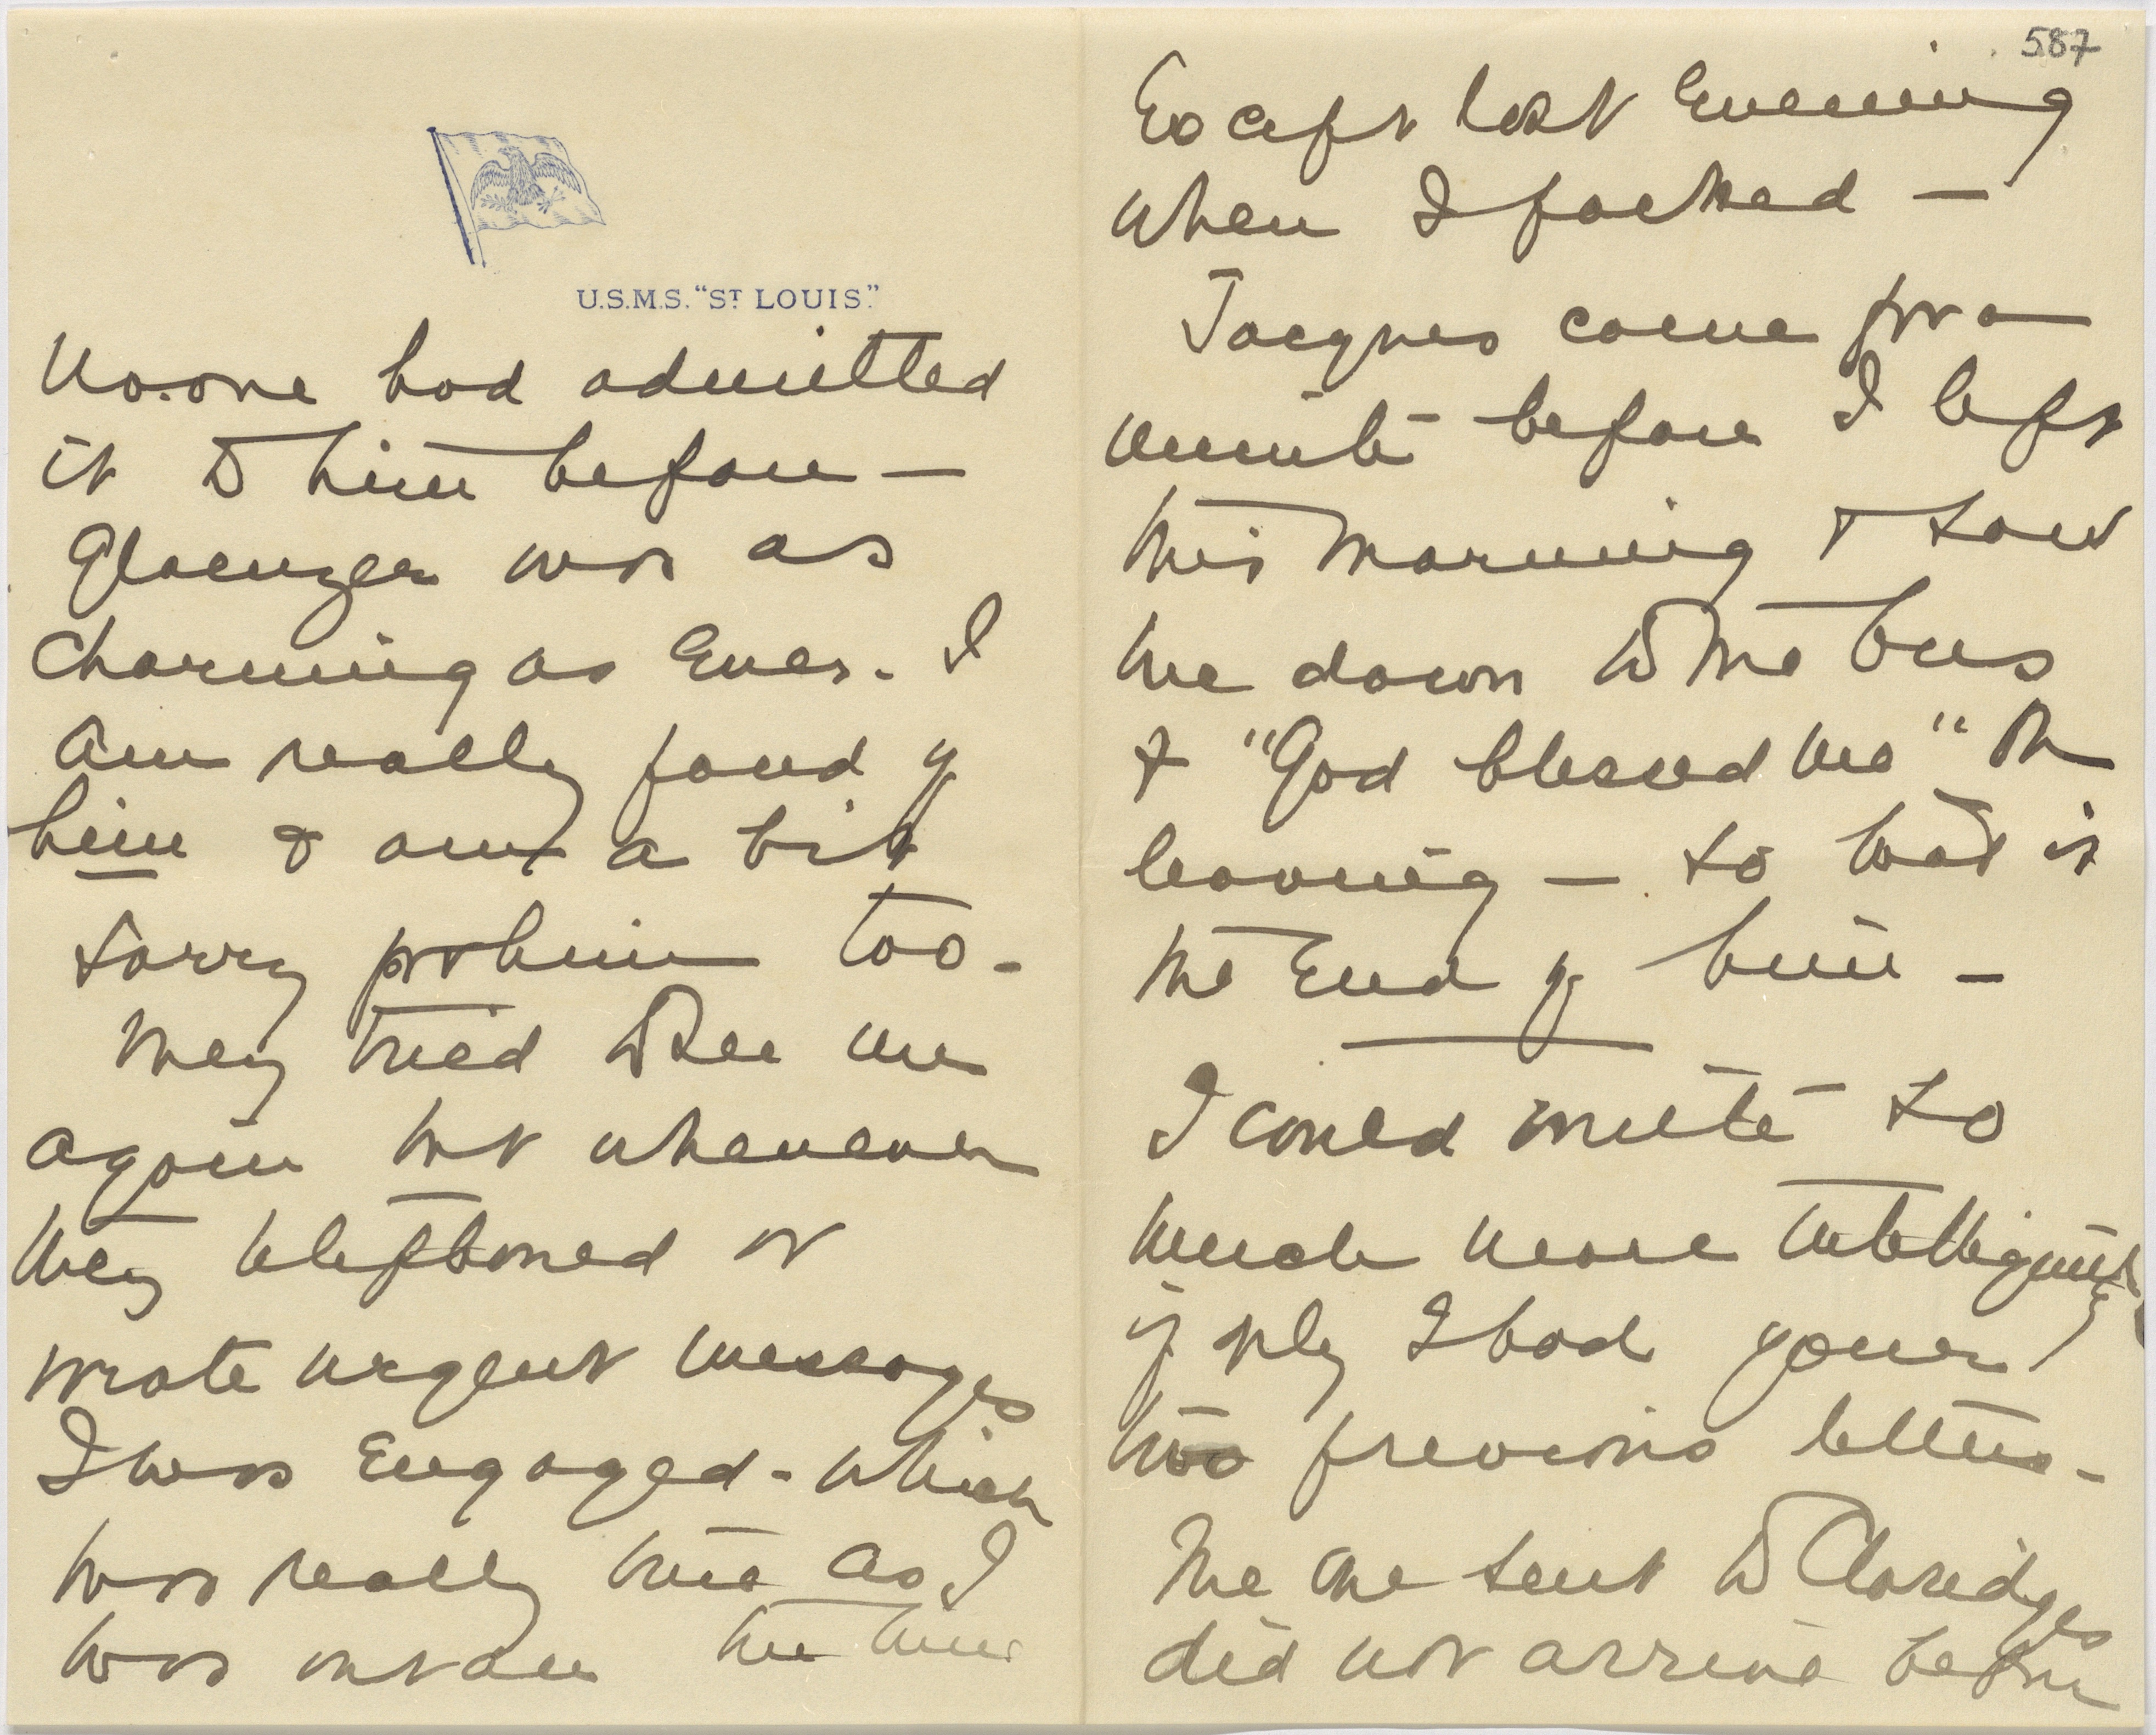no-one had admitted it to him before – Glaenzer was as charming as ever – I am really fond of him & am a bit sorry for him too.
They tried to see me again but whenever they telephoned or wrote urgent messages I was engaged – which was really true as I was out all the time
except last evening when I packed –
Jacques came for a minute before I left this morning & saw me down to the bus & “God blessed me” on leaving – so that is the end of him –
I could write so much more intelligently if only I had your two previous letters –
The one sent to Claridges did not arrive before